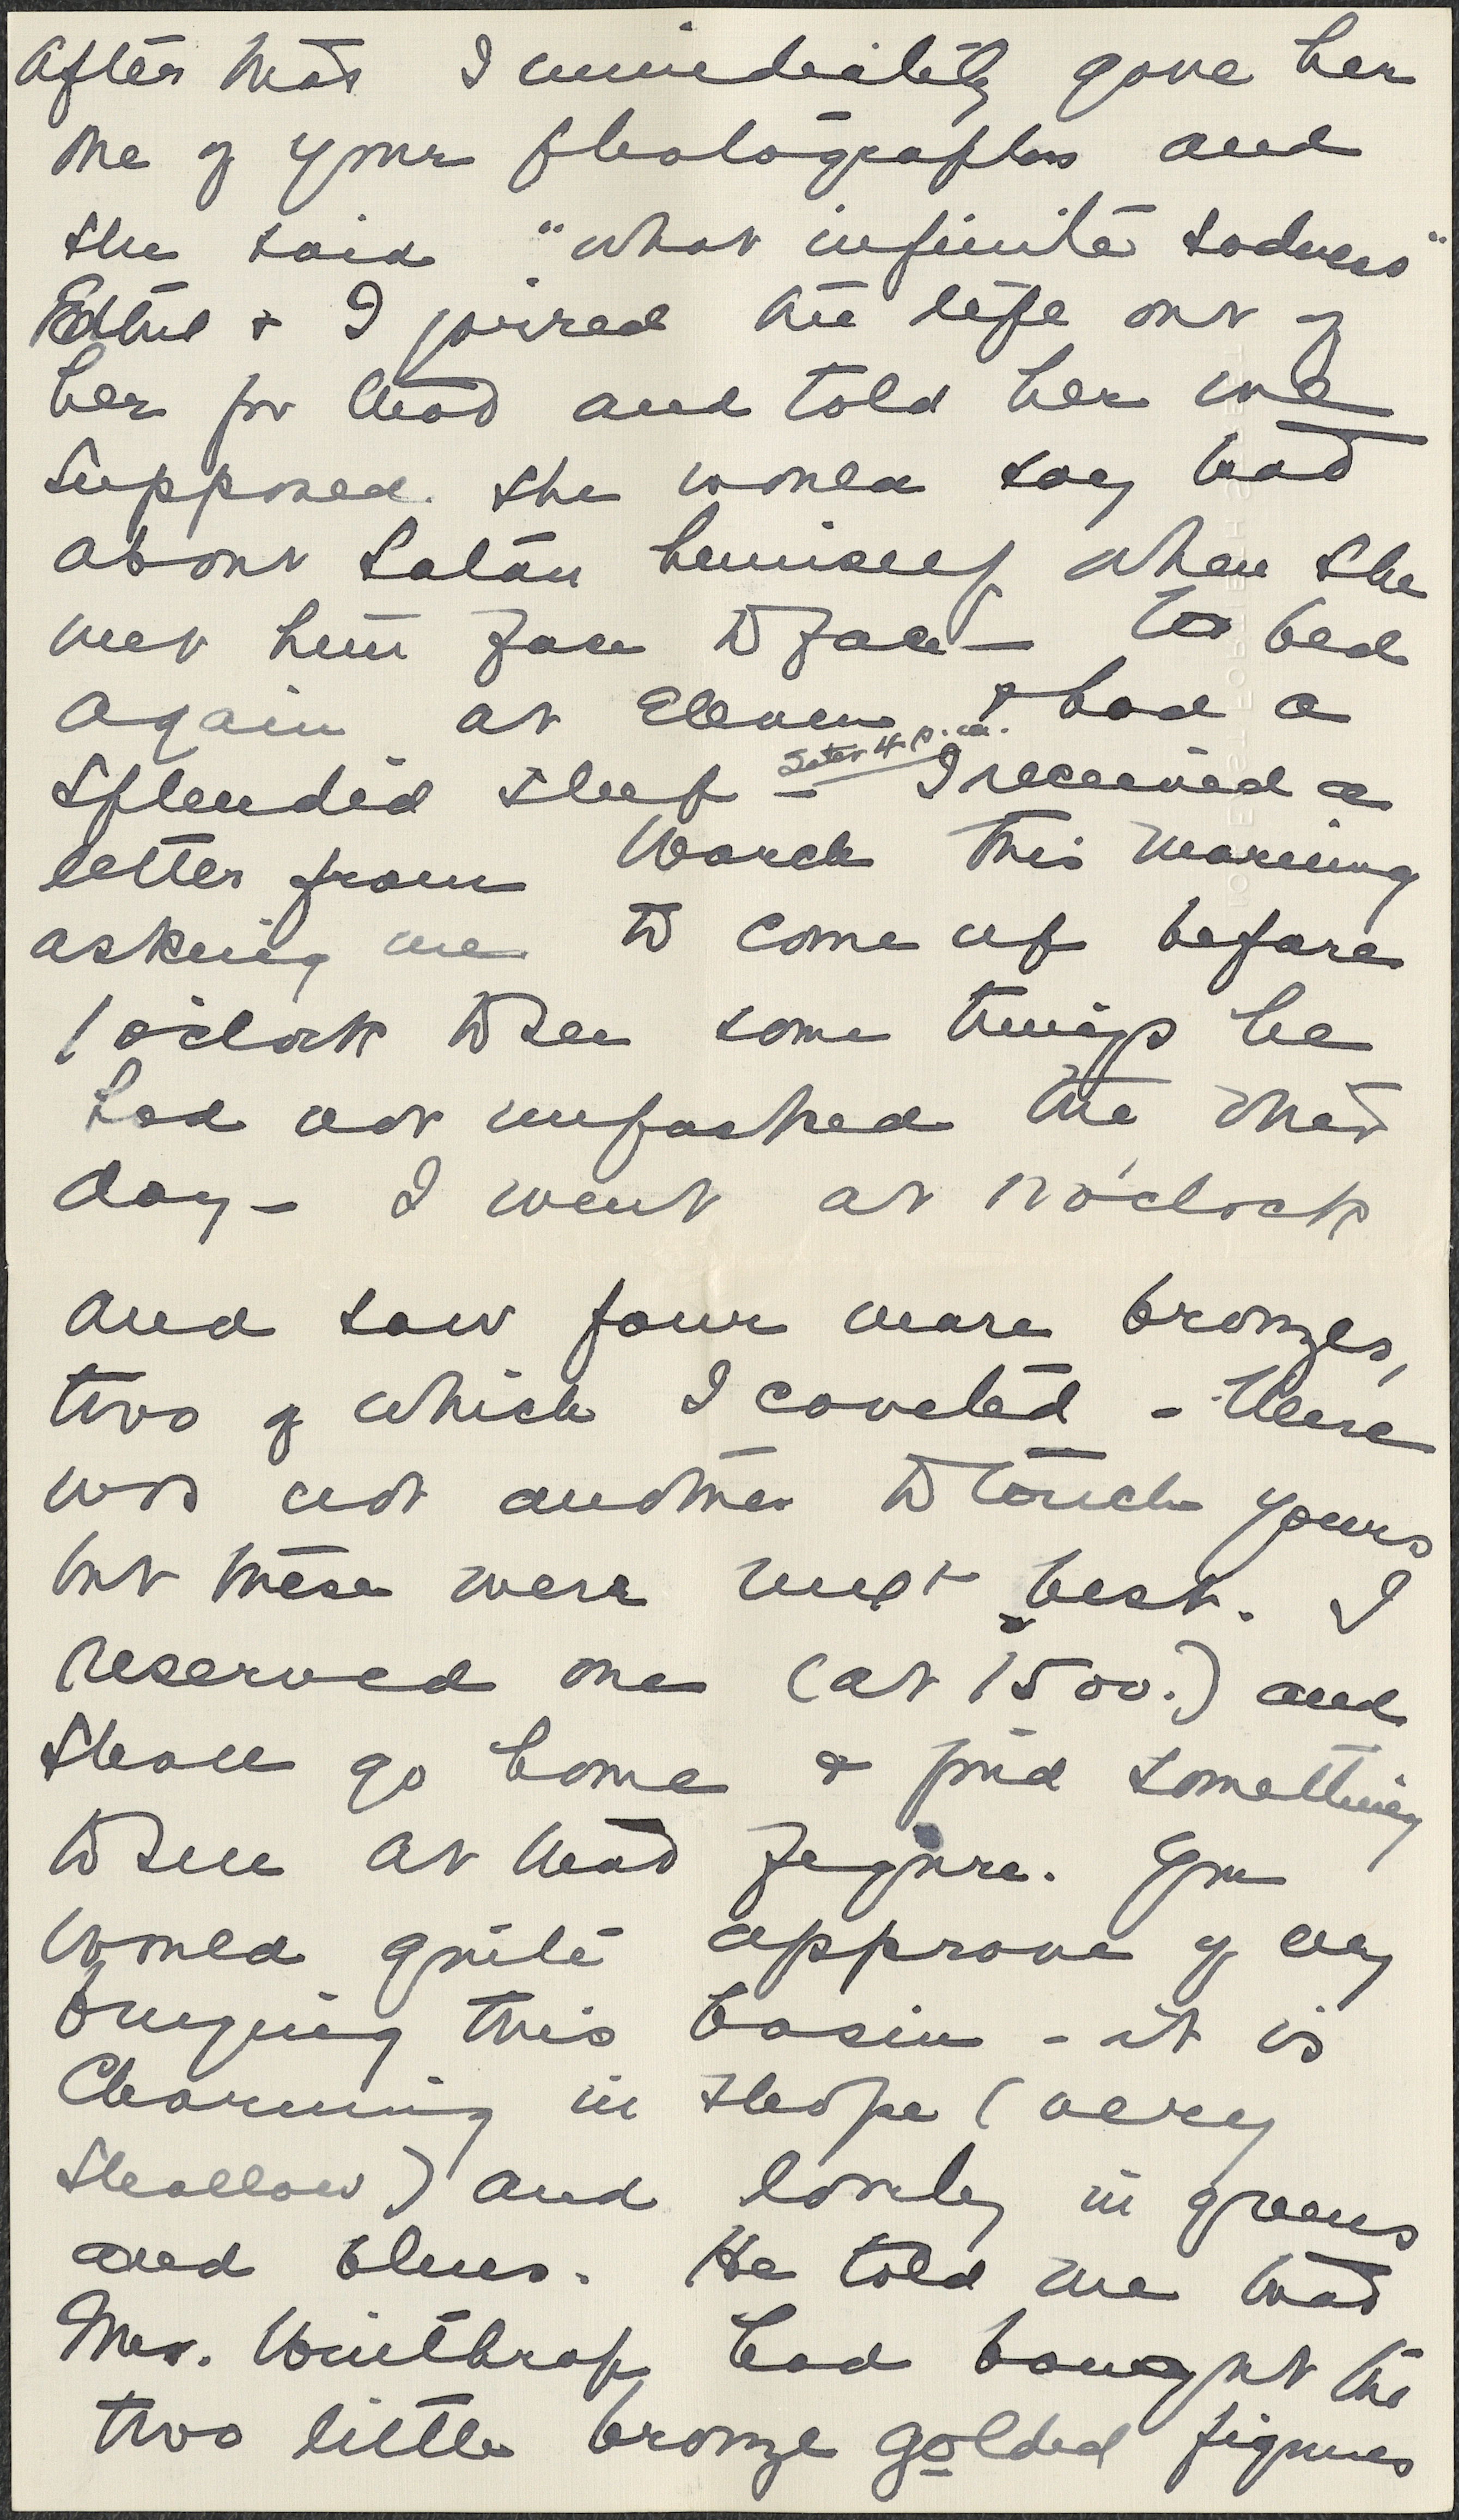After that I immediately gave her one of your photographs and she said “what infinite sadness” Ethel and I jarred the life out of her for that and told her we supposed she would say that about Satan himself when she met him face to face – To bed again at eleven & had a splendid sleep – [^Later 4 p.m.^] I received a letter from Worch this morning asking me to come up before 1 o’clock to see some things he had not unpacked the other day – I went at 12 o’clock and saw four more bronzes, two of which I coveted – There was not another to touch yours but these were next best. I reserved one (at $1500.) and shall go home & find something to sell at that figure. You would quite approve of my buying this basin – it is charming in shape (very shallow) and lovely in greens and blues. He told me that Mrs. Winthrop had bought the two little bronze golded figures